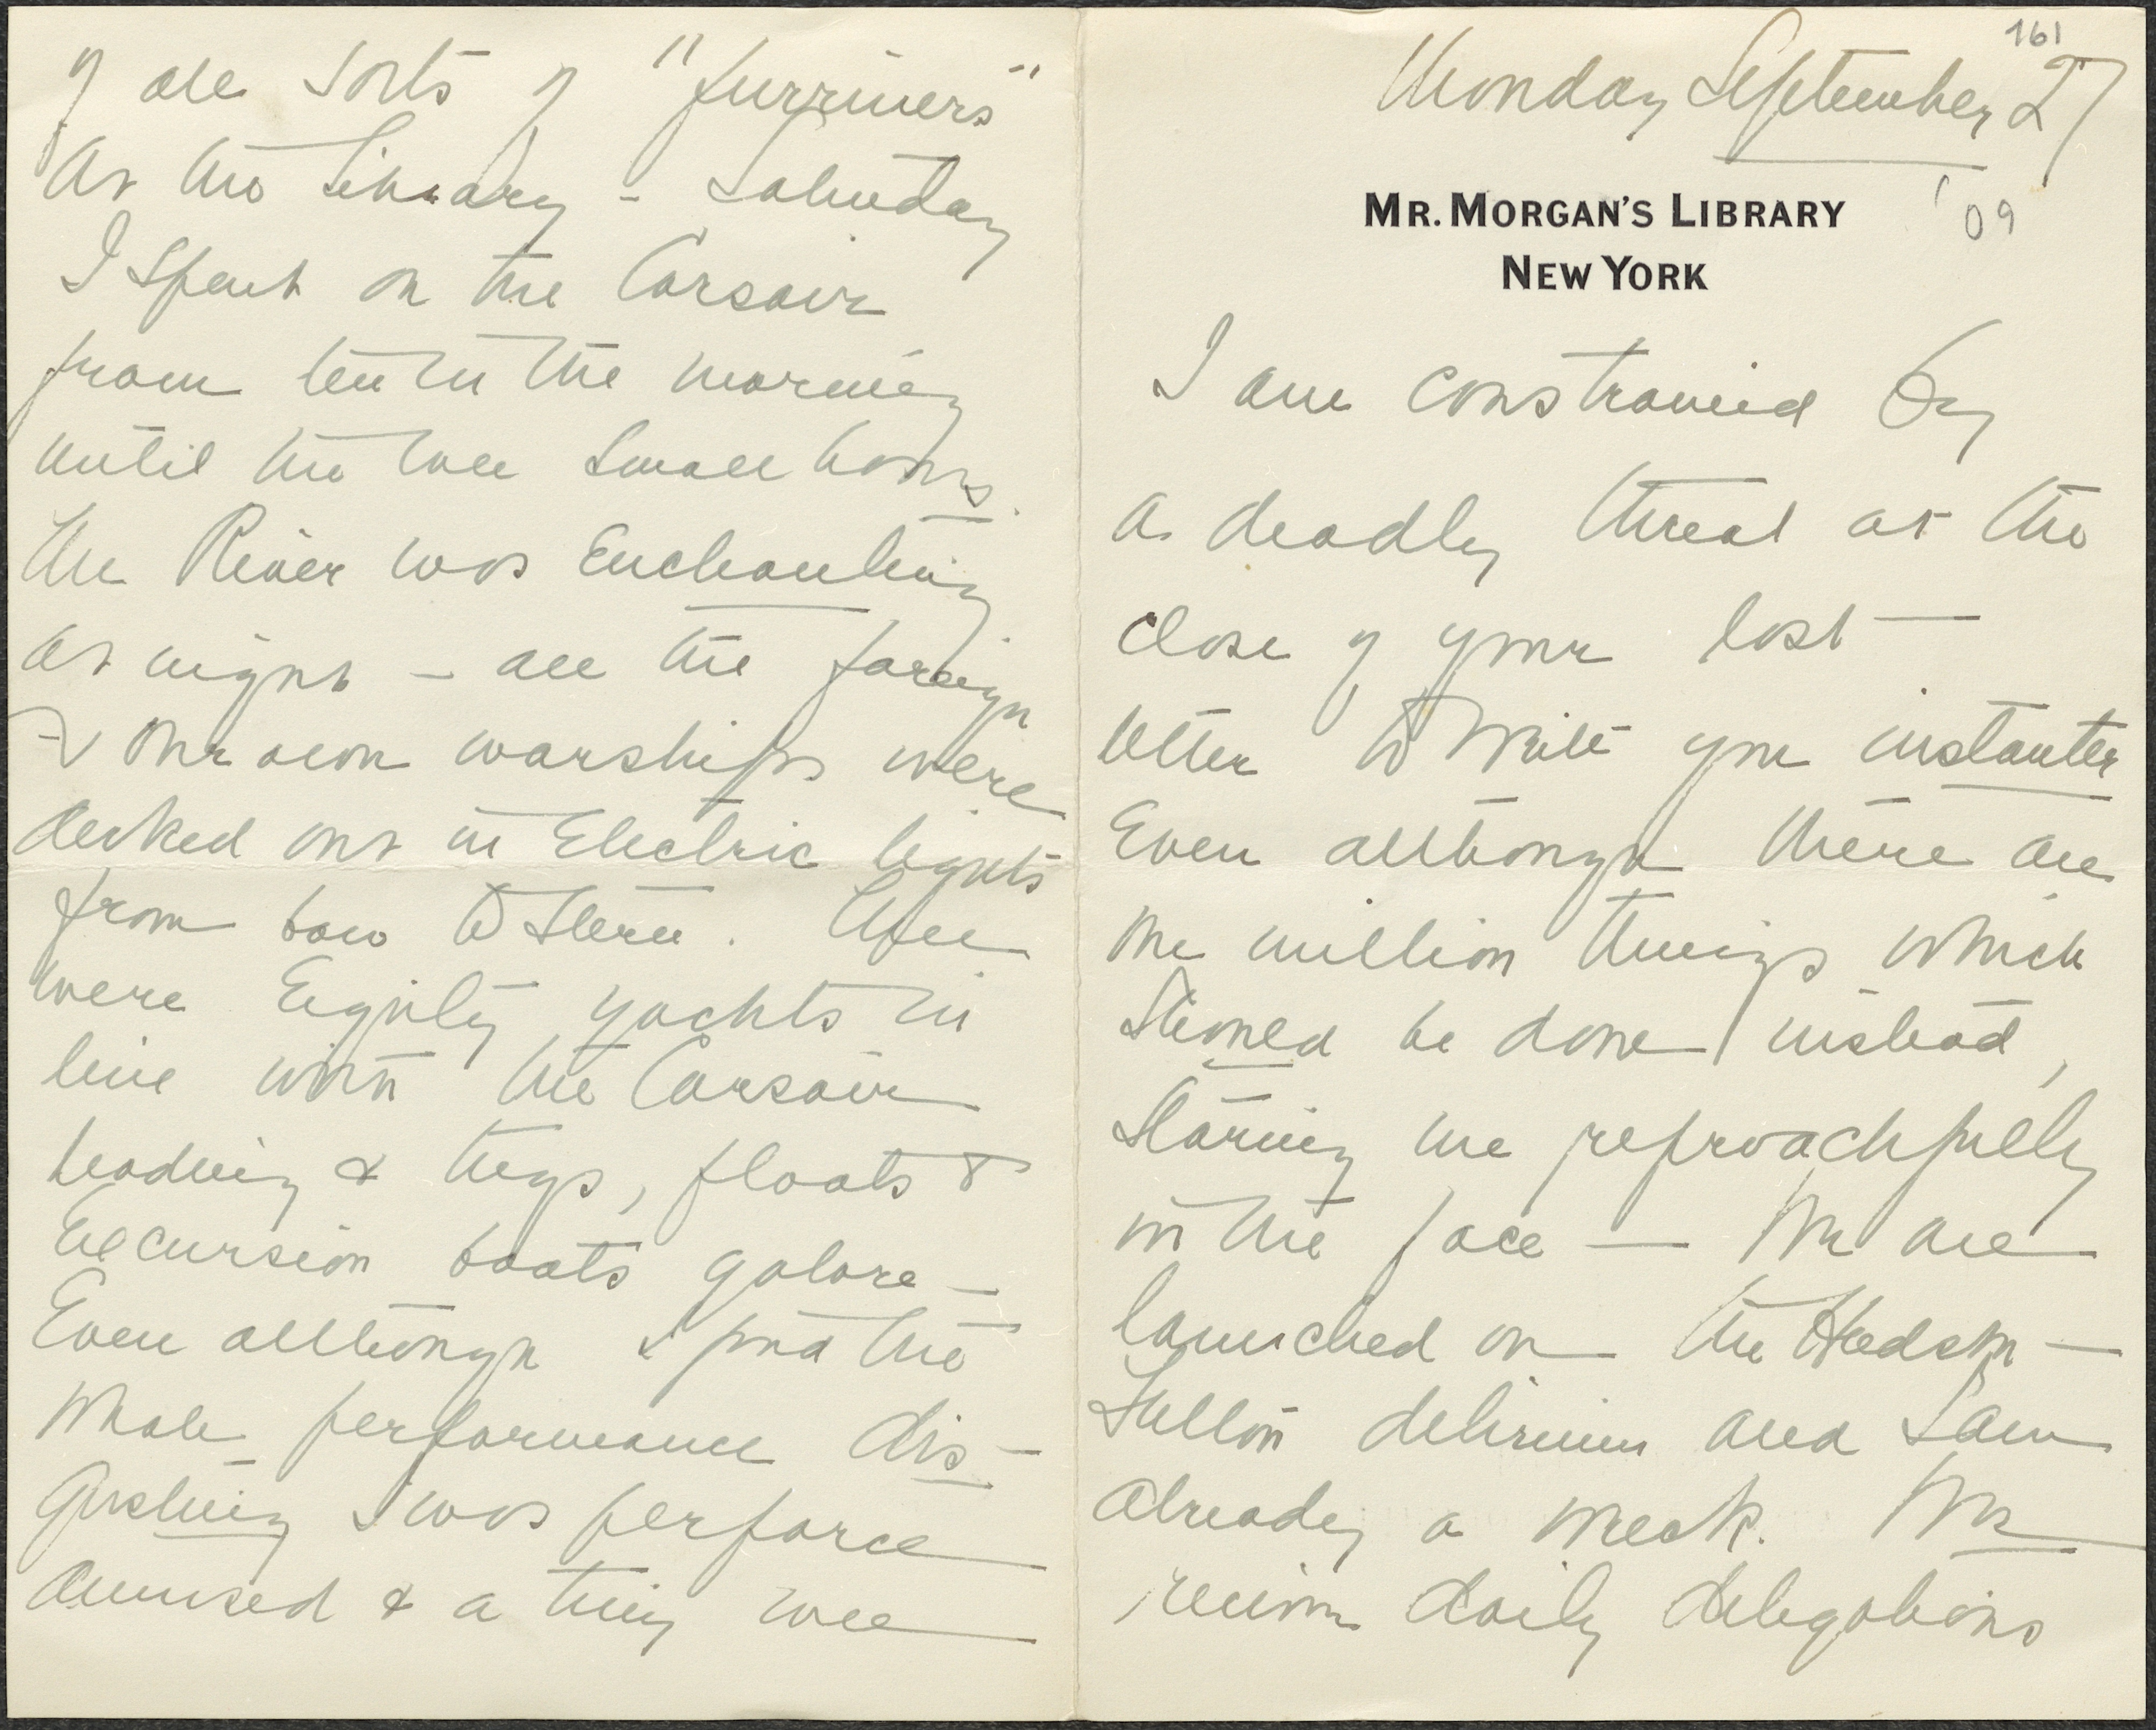Monday September 27
I am constrained by a deadly threat at the close of your last letter to write you instanter even although there are one million things which should be done instead, staring me reproachfully in the face – We are launched on the Hudson-Fulton delirium and I am already a wreck. We receive daily delegations
of all sorts of “furriners” at the Library – Saturday I spent on the Corsair from ten in the morning until the wee small hours. The River was enchanting at night – all the foreign & our own warships were decked out in electric lights from bow to stern. There were eighty yachts in line with the Corsair leading & tugs, floats & excursion boats galore – Even although I find the whole performance disgusting I was perforce amused & a tiny wee